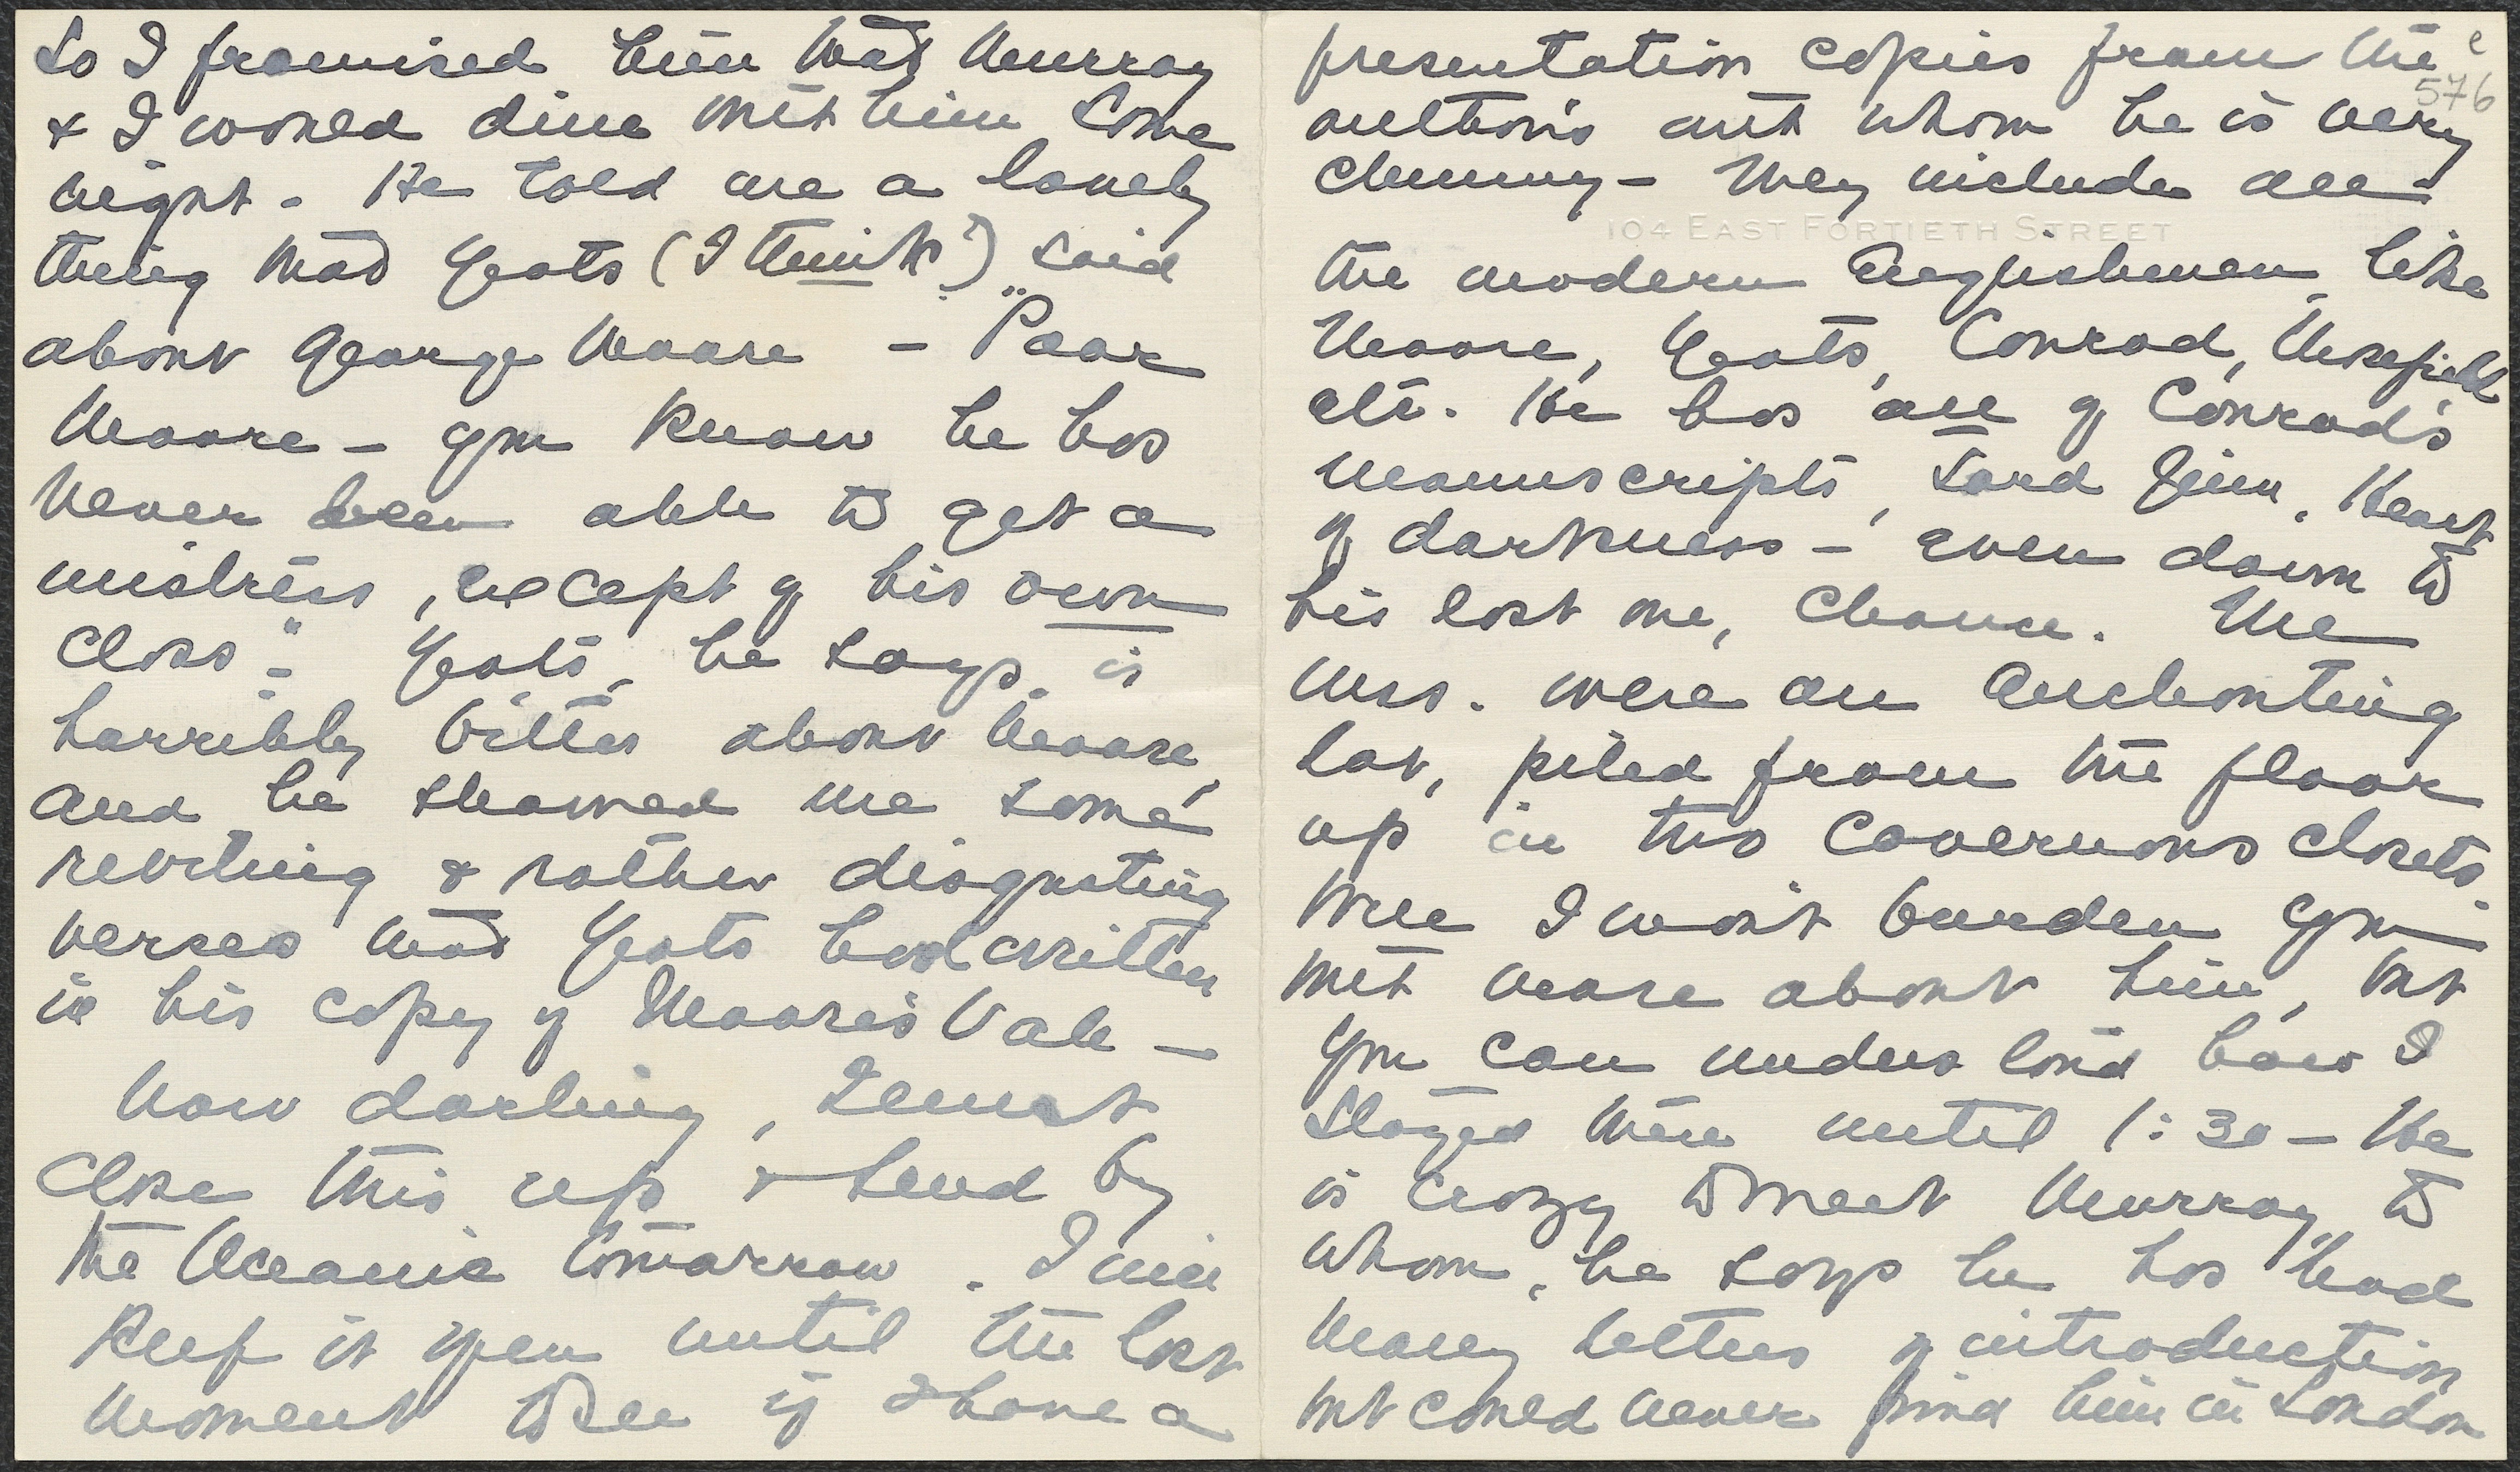presentation copies from the author’s with whom he is very chummy – they include all the modern Englishmen like Moore, Yeats, Conrad, Masefield etc. He has all of Conrad’s manuscripts, Lord Jim, Heart of Darkness – even down to his last one, Chance. The mss were an enchanting lot, piled form the floor up in two cavernous closets. Well I won’t burden you with more about him, but you can understand how I stayed there until 1:30 – He is crazy to meet Murray, to whom, he said he has had many letters of introduction but could never find him in London
so I promised him that Murray & I would dine with him some night – He told me a lovely thing that Yeats (I think) said about George Moore – “Poor Moore – you know he has never been able to get a mistress, except of his own class” – Yeats, he says, is horrible biter about Moore, and he showed me some reviling & rather disgusting verses that Yeats had written in his copy of Moore’s Vale –
Now darling, I must close this up & send by the Oceanic tomorrow. I will keep it open until the last moment to see if I have a